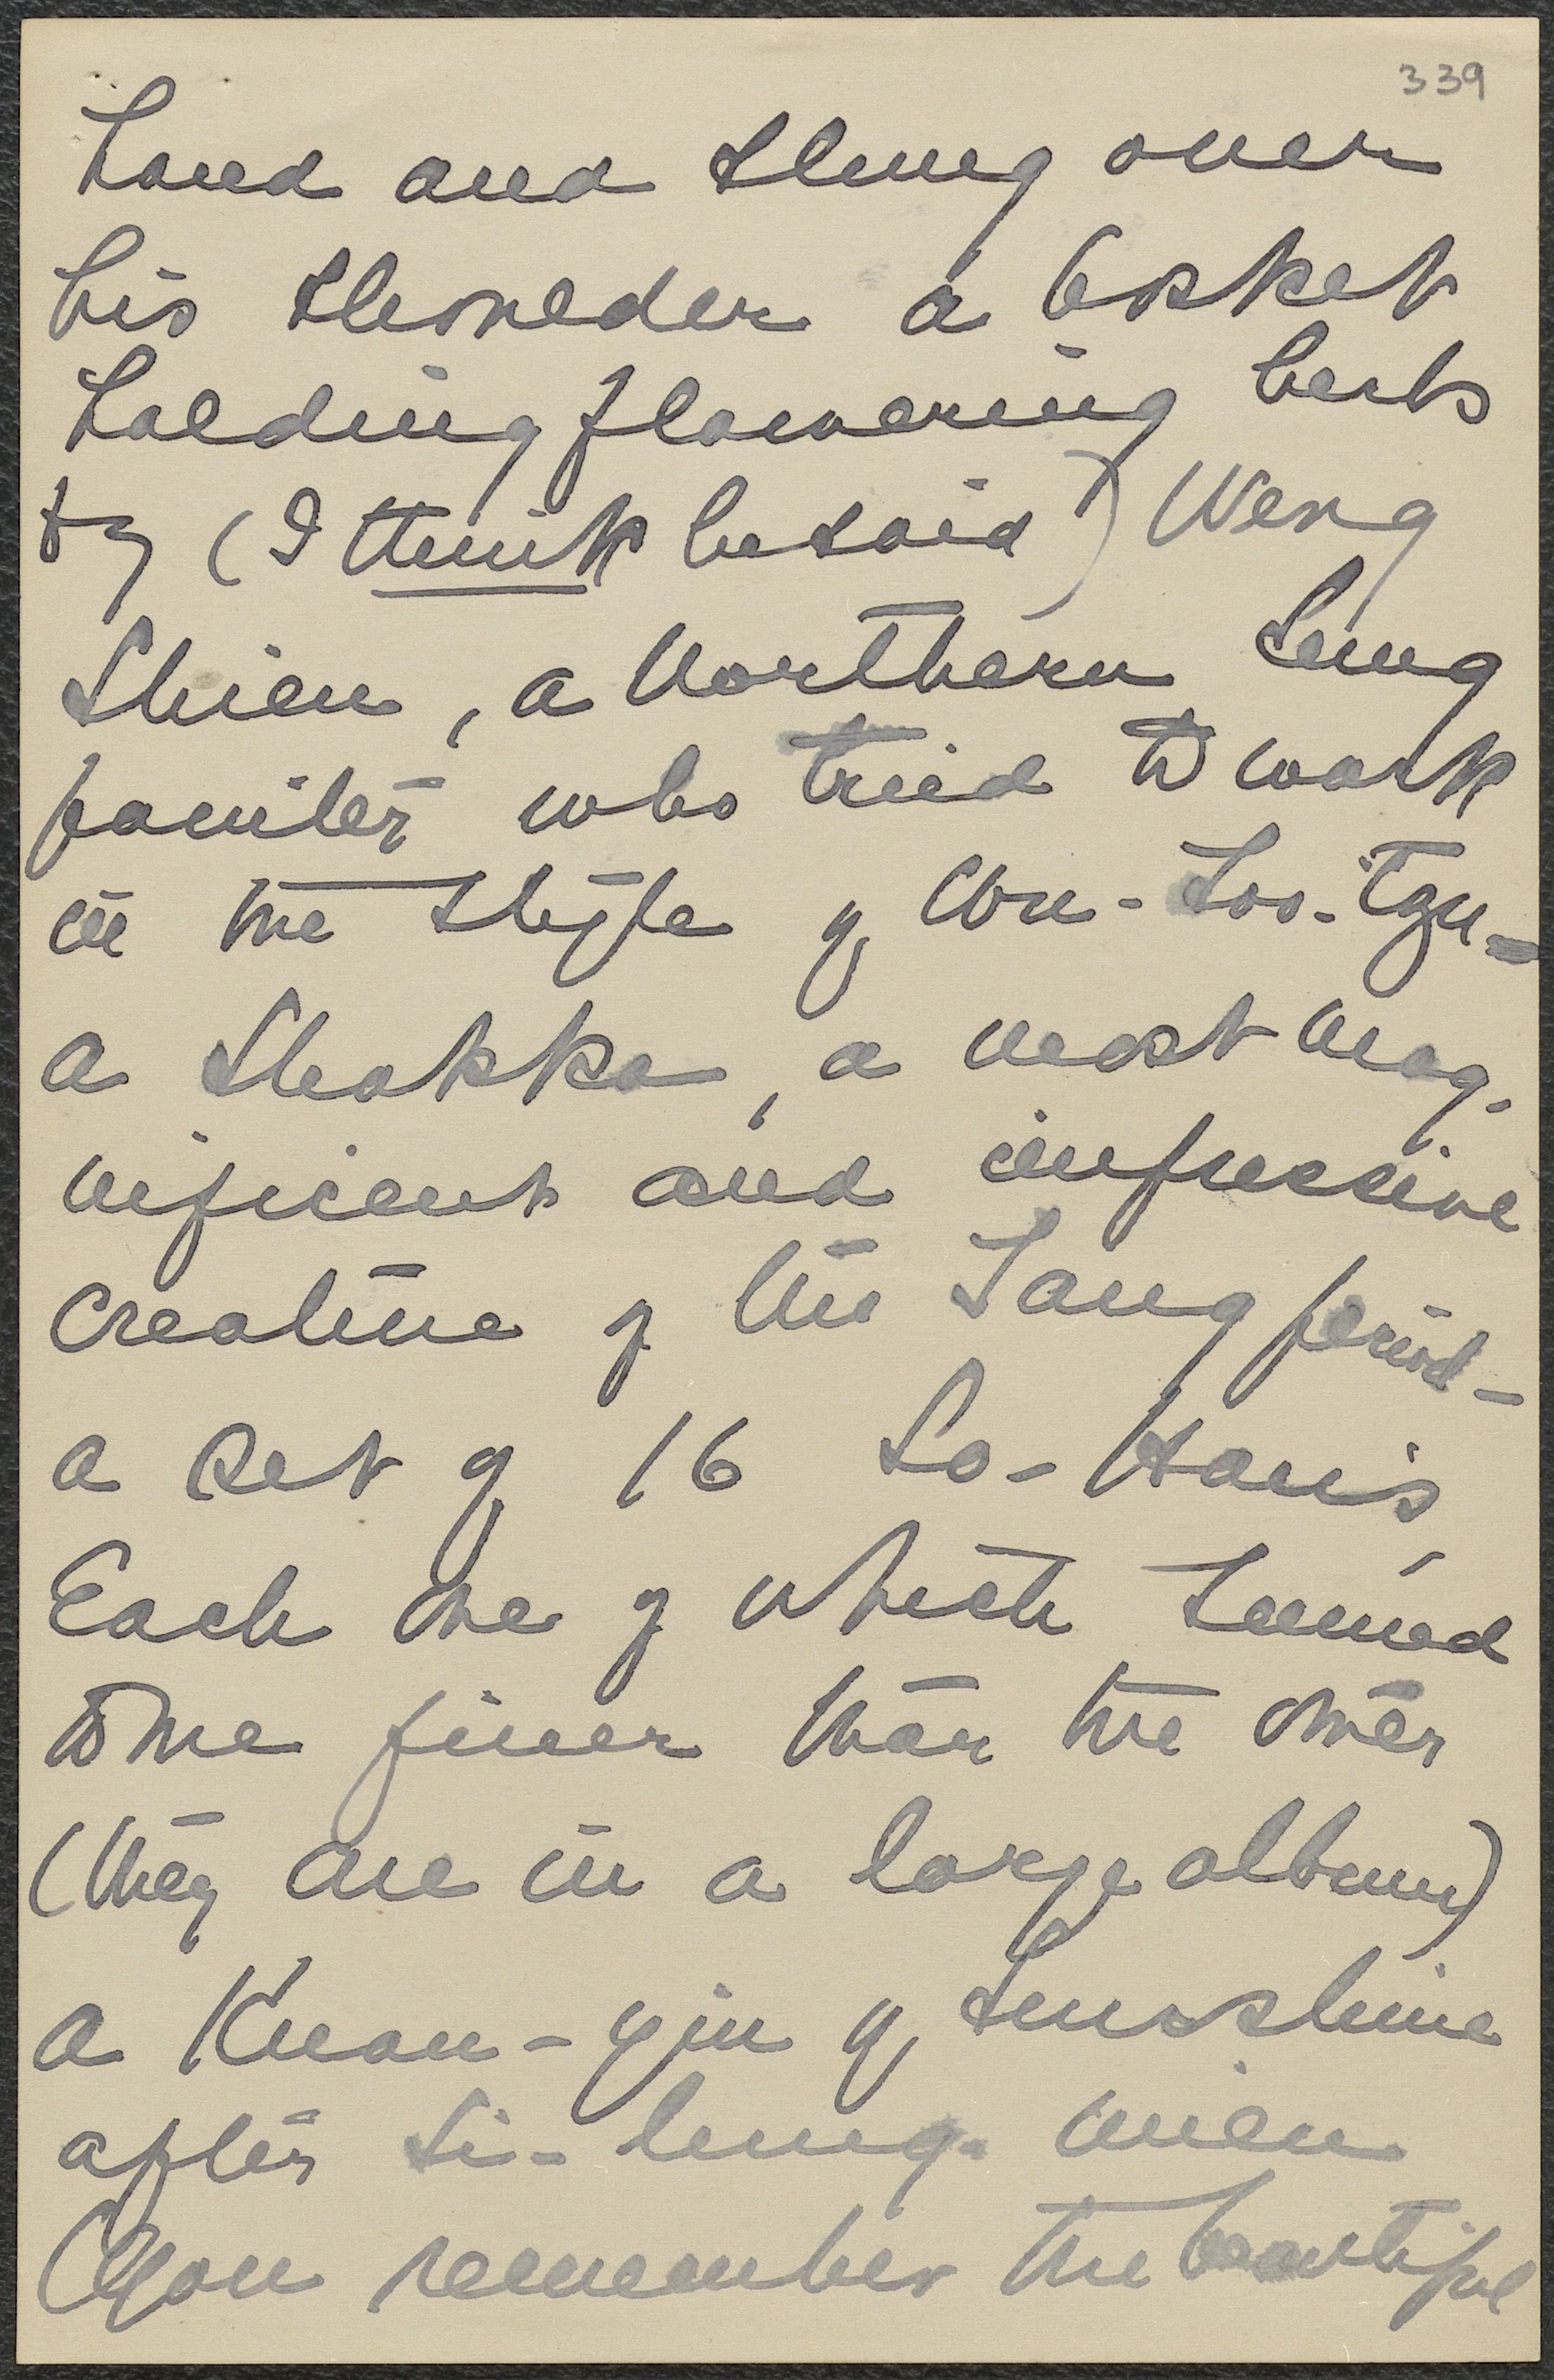hand and slung over his should a basket holding flowering herbs by (I think he said) Weng Shien, a Northern Sung painter who tried to work in the style of Wu-Tao-Tzu – a Shakka, a most magnificent and impressive creative of the Tang period – a set of 16 Lo-Han’s, each one of which seemed to me finer than the other (they are in a large album) A Kuan-yin of Sunshine after Li-lung-mien (You remember the beautiful